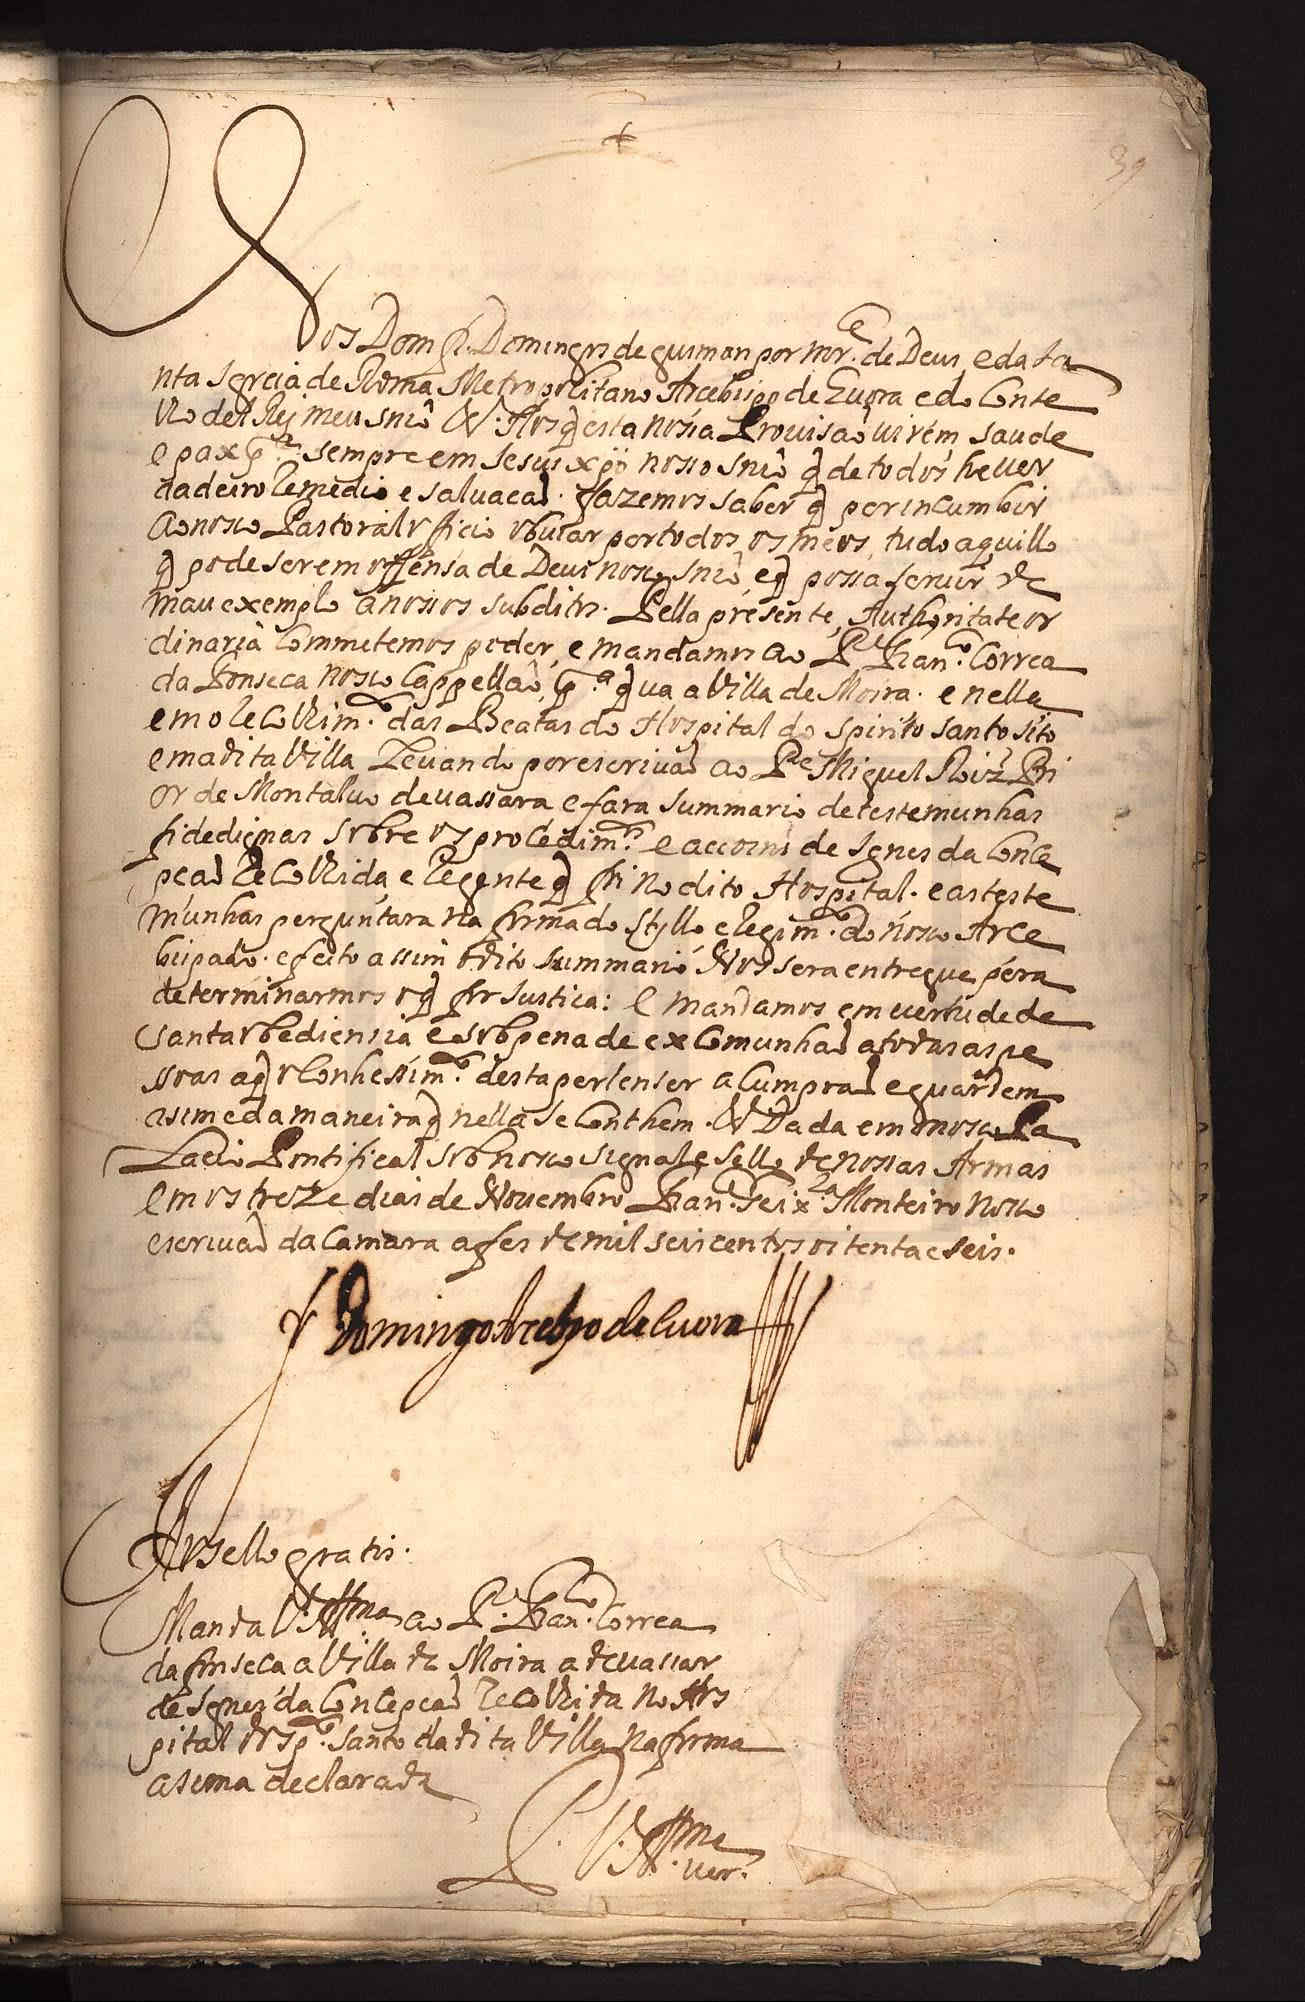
Nos Dom fr. Domingos de gusman por mr.ce de Deus, e da sa
nta Igreia de Roma Metropolitano Arcebispo de Euora, e do Conse
lho del Rej meu snrō &. Aos q̄ esta nossa Prouisaõ uirem, saude
e pax p.a sempre em Iesus xpō nosso snrō q̄ de todos he uer
dadeiro Remedio e saluaçaõ. fazemos saber q̄ por incumbir
ao nosso Pastoral officio obuiar por todos os meos, tudo aquillo
q̄ pode ser em offensa de Deus nosso snrō, e q̄ possa seruir de
mau exemplo a nossos subditos. Pella presente, Authotitate or
dinaria Commetemos poder, e mandamos ao P.e Fran.co Correa
da Fonseca nosso Cappellaõ, p.a q̄ ua a Villa de Moira; e nella
em o Recolhim.to das Beatas do Hospital do Spirito Santo sito
em a dita Villa Leuando por escriuaõ ao P.e Miguel Roiz̄ Pri
or de Montaluo deuassara e fara summario de testemunhas
fidedignas sobre os procedim.tos, e acçoins de Ignes da Conce
pçaõ Recolhida, e Regente q̄ foi no dito Hospital; e as teste
munhas perguntara na forma do Styllo, e Regim.to do nosso Arce
bispado; e feito assim o dito summario Nos sera entregue pera
determinarmos o q̄ for Iustiça: e mandamos em uertude de
Santa obediensia, e sob pena de excomunhaõ a todas as pe
ssoas a q̄ o Conhessim.to desta pertenser a Cumpraõ e guardem
asim e da maneira q̄ nella se Conthem. & Dada em o nosso Pa
Lacio Pontifical sob nosso signal e sello de nossas Armas
em os treze dias de Nouembro Fran.co Teix.ra Monteiro nosso
escriuaõ da Camara a fes de mil seiscentos oitenta e seis.
fr Domingo Arcebpo de Euora
Ao sello gratis.
Manda V. Ill.ma ao P.e Fran.co Correa
da fonseca a Villa de Moira a deuassar
de Ignes da Concepçaõ Recolhida no Hos
pital do sp.to Santo da dita Villa na forma
asima declarada
P. V. Ill.ma uer.
